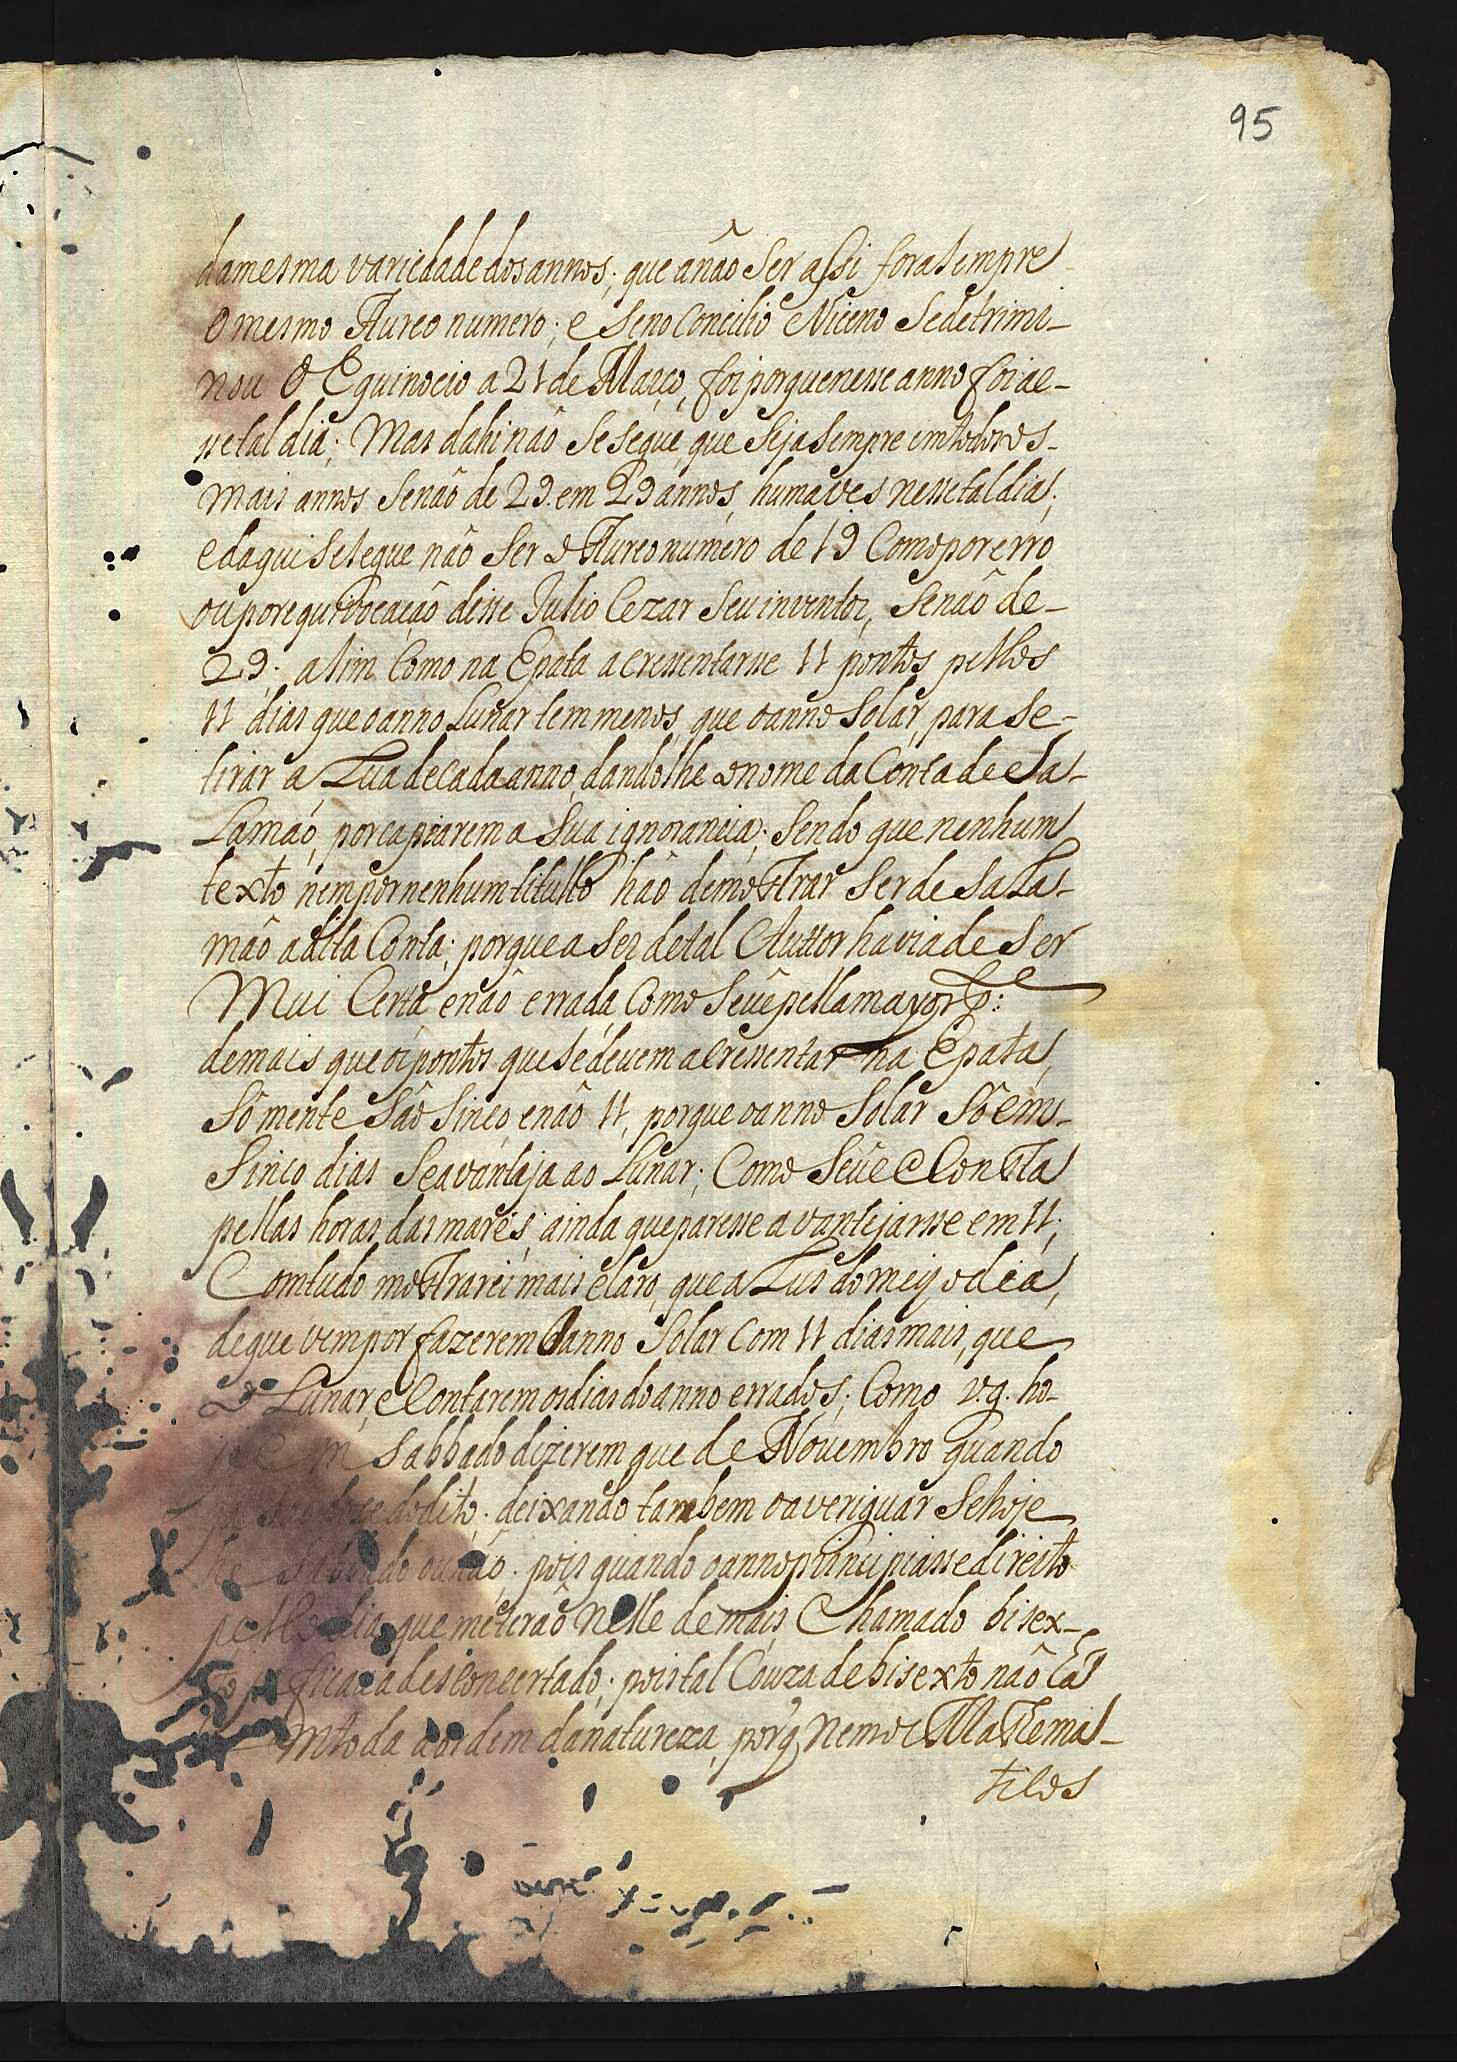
da mesma variedade dos annos; que a naõ ser assi fora sempre
o mesmo Aureo numero; e se no concilio Niceno se detrimi
nou O Equinocio a 21 de Março, foi porque nesse anno foi a e
sse tal dia; mas dahi naõ Se segue, que seja sempre em todos os
mais annos senaõ de 29. em 29 annos, huma ves nesse tal dia.
e daqui se segue naõ ser o Aureo numero de 19 Como por erro
ou por equivocaçaõ disse Iulio Cezar seu inventor, senaõ de
29; asim Como na Epata acressentarsse 11 pontos pellos
11 dias que o anno Lunar tem menos que o anno Solar, para Se
tirar a Lua de cada anno dandolhe o nome da conta de Sa
Lamaõ, por captarem a Sua ignorancia; Sendo que nenhum
texto nem por nenhum titullo haõ de mostrar ser de SaLa
maõ a dita Conta; porque a ser de tal Auttor havia de Ser
mui Certa, e naõ errada como se uê pella mayor p:te
de mais que os pontos que se deuem acressentar na Epata
Sómente São Sinco, e naõ 11, porque o anno Solar só em
sinco dias Se avanteja ao Lunar; Como Se uê e Consta
pellas horas das mares, ainda que paresse avantejarse em 11;
Comtudo mostrarei mais claro, que a Lus do meyo dia,
de que vem por fazerem O anno solar com 11 dias mais, que
o Lunar, e Contarem os dias do anno errados. Com o v.g. ho
je em sabbado dizerem, que de Nouembro quando
do dito. deixando tambem o averiguar Se hoje
he Sabado ou não; pois quando o anno pricipiasse direito
pello dia que meteraõ nelle de mais chamado bisex
to _ ficaua desconcertado; por tal Couza de bisexto naõ há
m toda a ordem da natureza porq̄ nem os Mathema
tiCos
